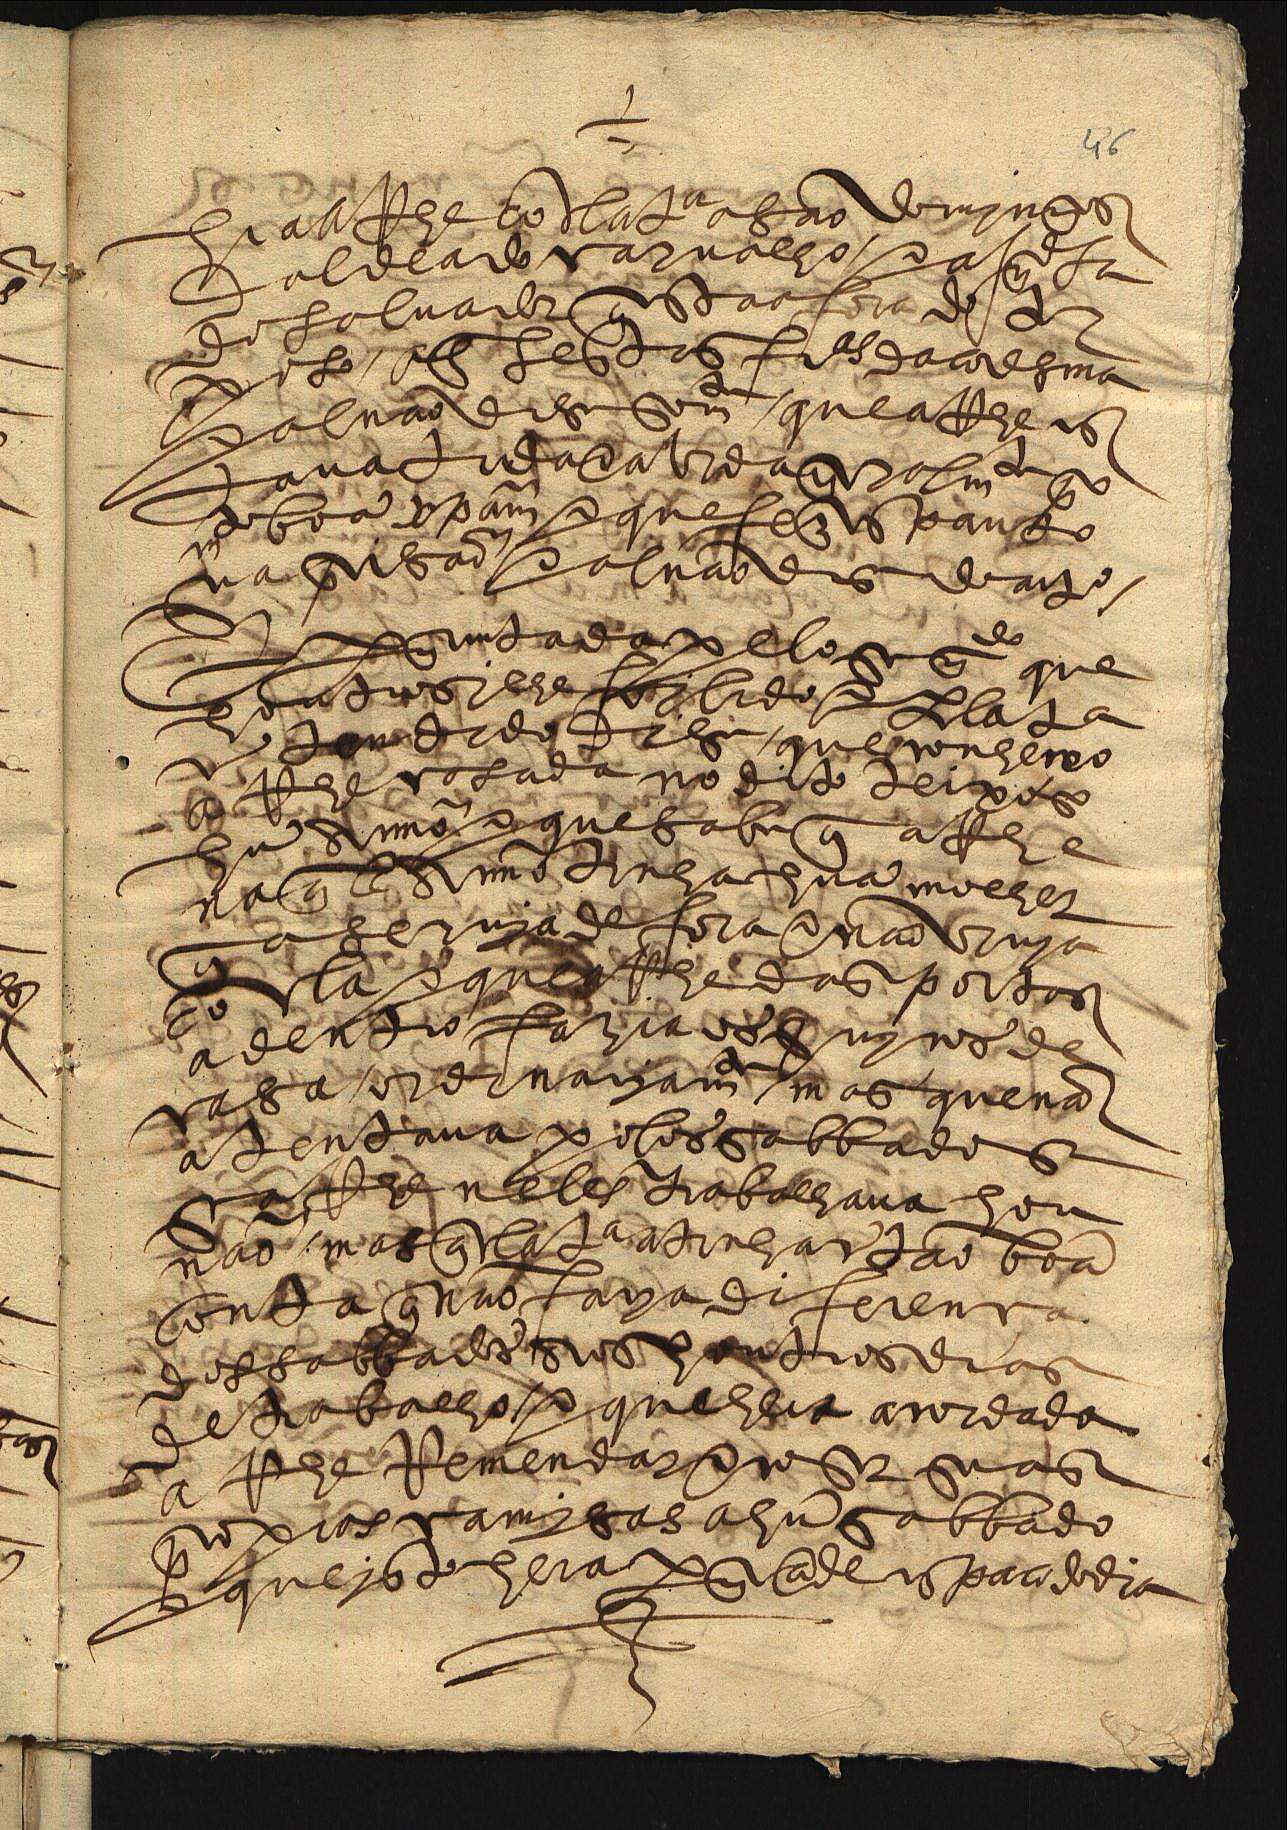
hia a Rhe cō ela ta a são domjngos
daldea do carualho / e a Jḡeja
do saluador q̄ estaa fora do tej
xoso / as sestas fras da coresma
e al não dise somte / que a Rhe es
taua tida e avida geralmte p̄o
mto boa xpam̄ e que fez espanto
sua prisaõ / e al não dise do arto /
E ꝑguntada pelo segdo que
houtrosj lhe foj lido e ꝑ ela ta
ētendido dise / que conheçeo
a Rhe casada no dito teixoso
hū Annō e que sabe q̄ a Rhe
naq̄le Anno tinha huā molher
q̄ a seruja de fora e não viuja
cō ela e que a Rhe das portas
adentro fazia os ꞩujços de
casa / ordinariamte / mas que não
atentaua polos sabbados
se a Rhe neles trabalhaua hou
naõ /. mas q̄ ela ta a tinha ē tão boa
conta q̄ não farja diferença
dos sabbados Aos houtros dias
de trabalho / e que hera acordada
a Rhe Remendar e coser suas
propias camjsas a hū sabbado
e que jsto hera ꝑ grāde espaco do dia
